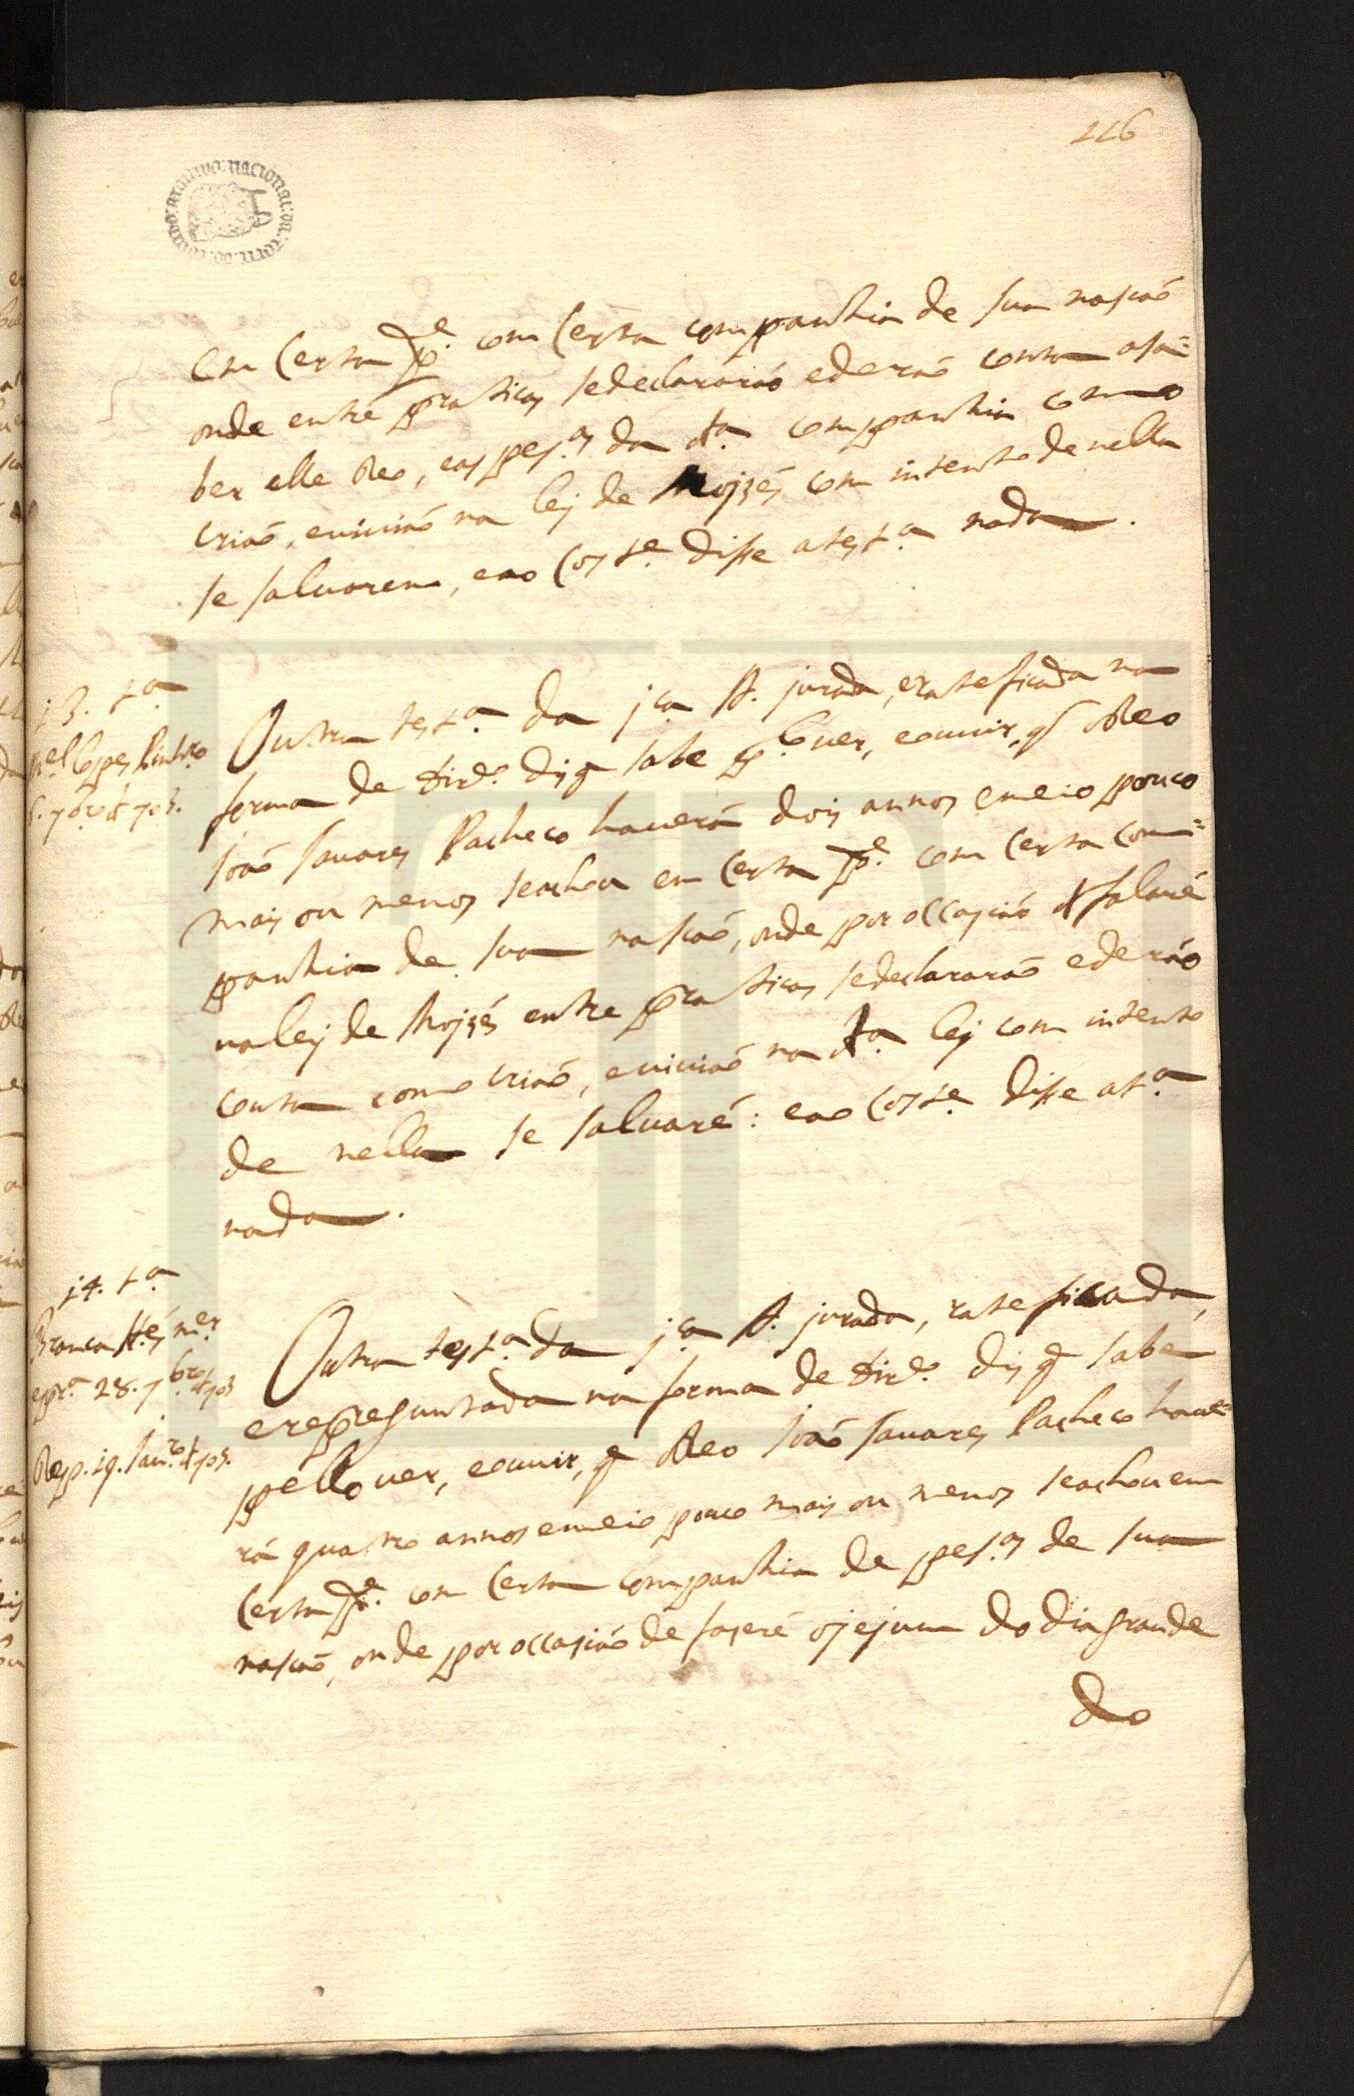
116
em Certa p.te com Certa companhia de sua nassaõ
onde entre praticas se declararaõ e deraõ conta a sa
ber elle Reo, e as pes.as da d̄a companhia Como
criaõ, e uiuiaõ na lej de Mojzés com intento de nella
se saluarem, e ao Cost.e disse a test.a nada
Outra test.a da j.ça A. jurada, e ratificada na
i3. t.a
forma de dr.to dise sabe p.lo uer, e ouuir, q̄ o Reo
M.el lopes Pinhr.o
Ioaõ Tavares Pacheco hauerá dois anos e meio pouco
6. 7br.o d̄ 705.
mais ou menos se achou em Certa p.te com Certa com
panhia de sua nassaõ, onde por occaziaõ d̄ falarē
na ley de Mojzés entre praticas se declararaõ e deraõ
contra como criaõ, e uiuiaõ na d̄.a ley com intento
de nella se saluarē: e ao Cost.e disse a t.a
nada.
i4. t.a
Outra testa da j.ça A. jurada, rateficada
Branca H.es mer
e repreguntada na forma de dir.to dis q̄ sabe
e pr.a 28 7.bro d̄ 703
pello uer, e ouuir, q̄ Reo Ioaõ Tauares Pacheco haue
Rep i9. Ian.ro d̄ 705.
rá quatro annos e meio pouco mais ou menos se achou em
Certa p.te com Certa companhia de pes.as de sua
nassaõ, onde por occasiaõ de fazerē o jejum do dia grande
do
